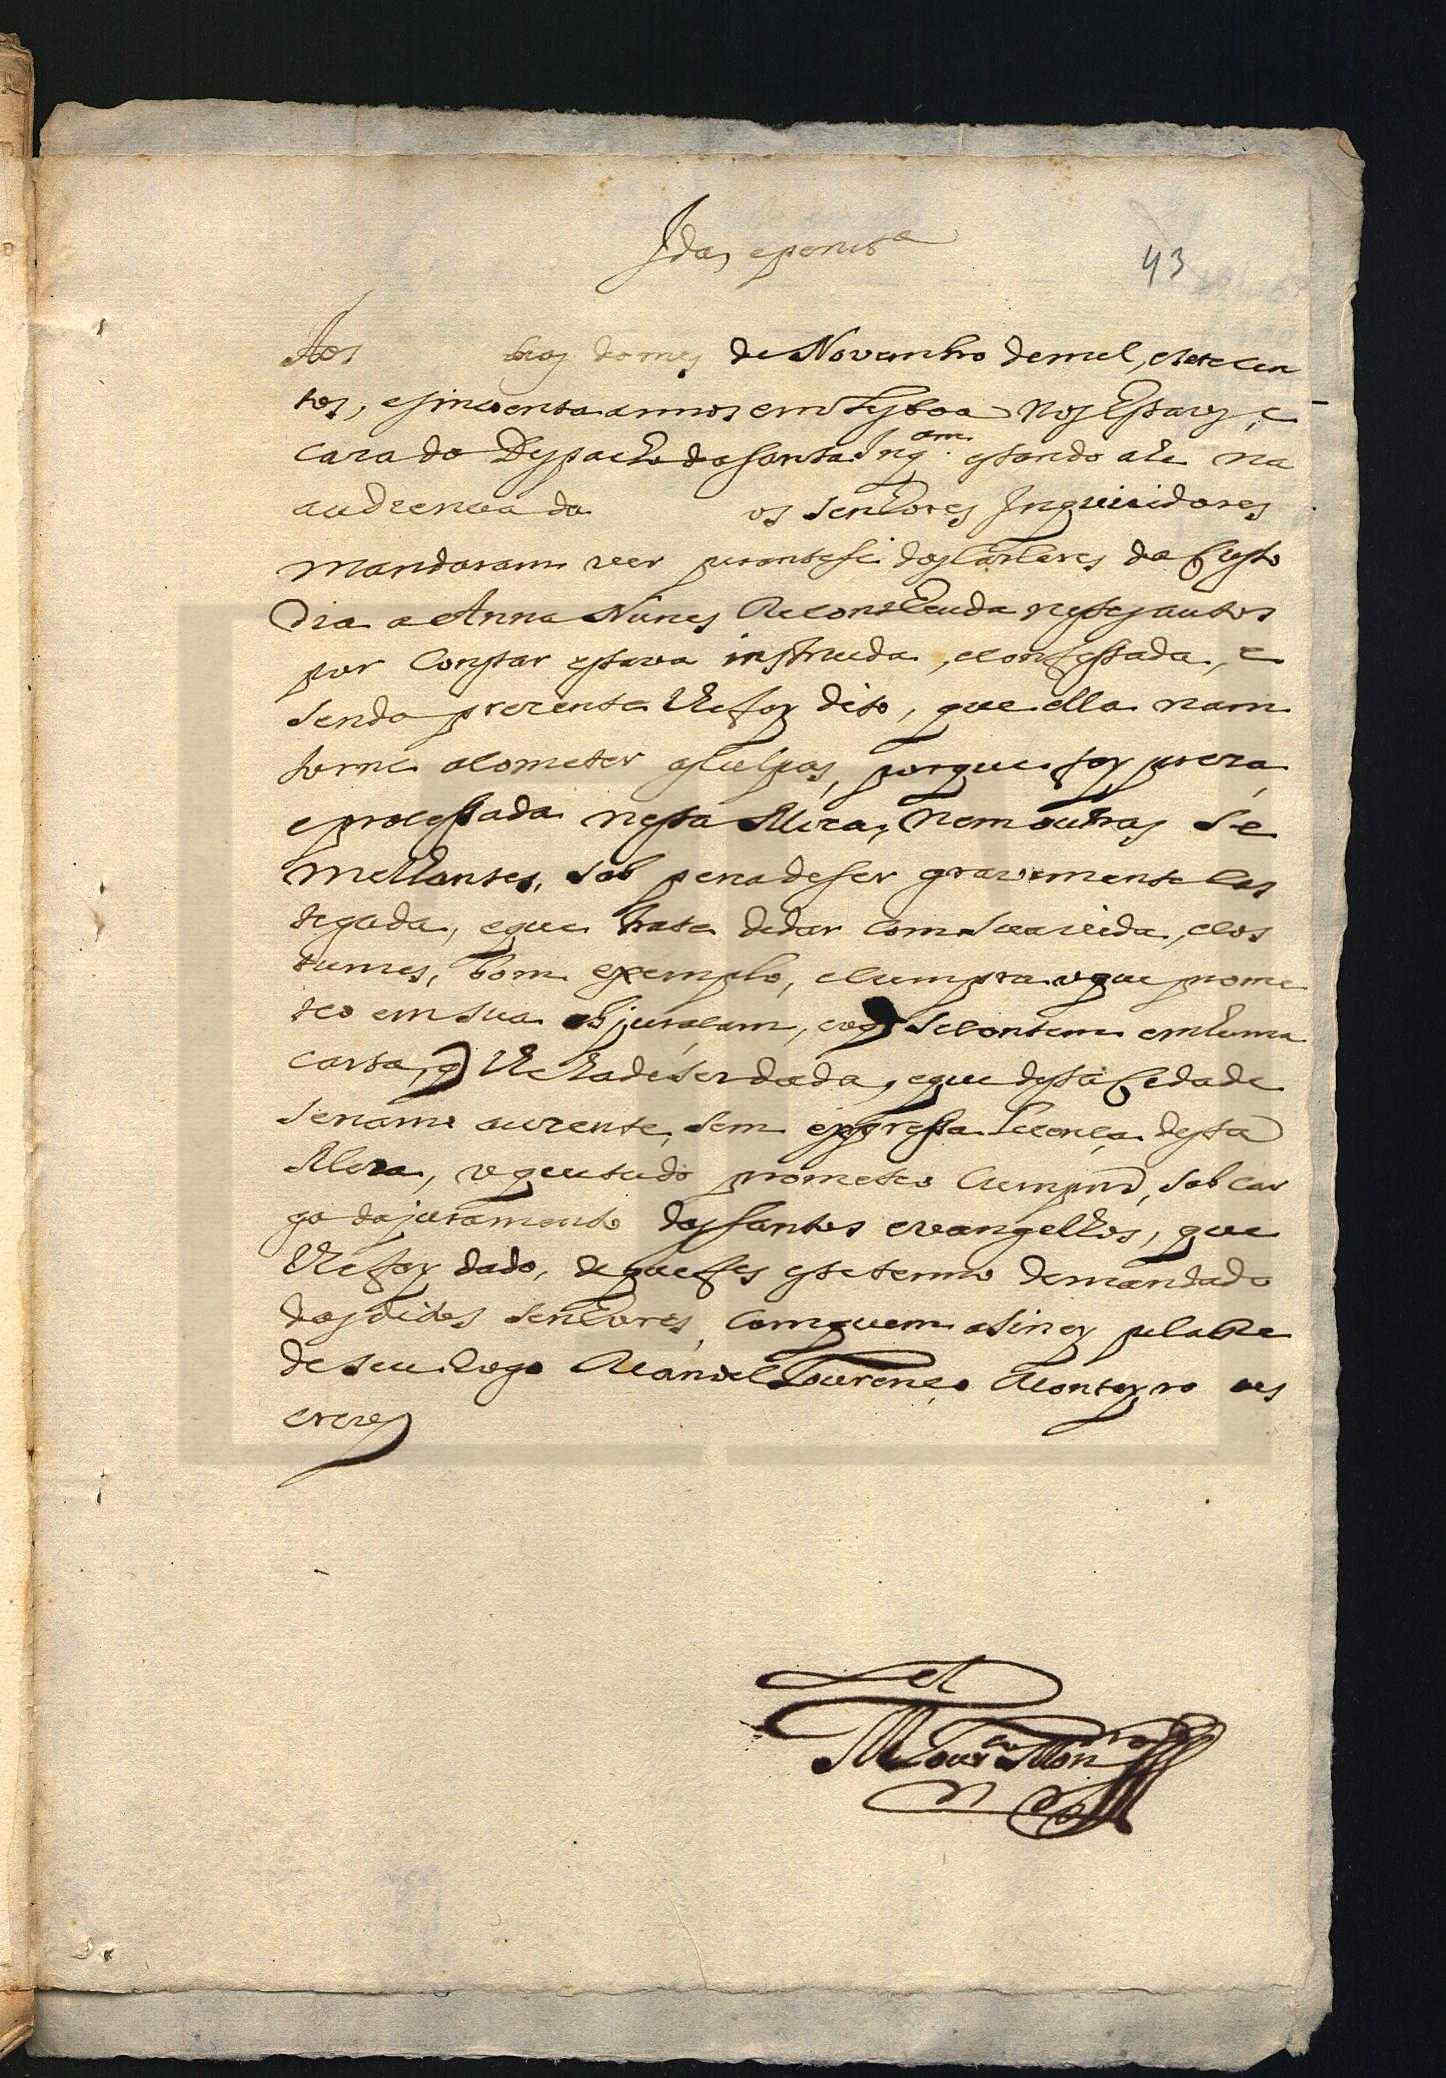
Jdas e penita
Aos dias do mes de Novembro de mil, e setecen
tos, e sincoenta annos em Lisboa nos Estaos, e
caza do Despacho da santa Inqcam estando ahi na
audiencia da os senhores Jnquizidores
mandaram vir perante si dos CazCeres da Custo
dia a Anna Nunes Re contheuda nestes autos
por constar estava instruida, e confessada, e
sendo prezente lhe foy dito, que ella nam
tomne a cometer as Culpas, porque foy preza,
e processada nesta Meza, nem outras se
melhantes, sob pena de ser gravemente cas
tigada, e que trata de dar com sua vida, e cos
tumes, bom exemplo, e cumpra o que prome
teo em sua abjuraçam, e o q se contem em huma
carta, q̄ lhe ha de ser dada, e que desta Cidade
se nam auzente, sem expressa licença desta
Meza, o que tudo prometeo cumprir sob car
go do juramento dos santos evangelhos, que
lhe foy dado, de que fes este termo de mandado
dos ditos senhores com quem asiney pela Re
de seu Rogo Manoel Lourenço Monteyro o es
crevj
Mel Lorco Mon.ro
